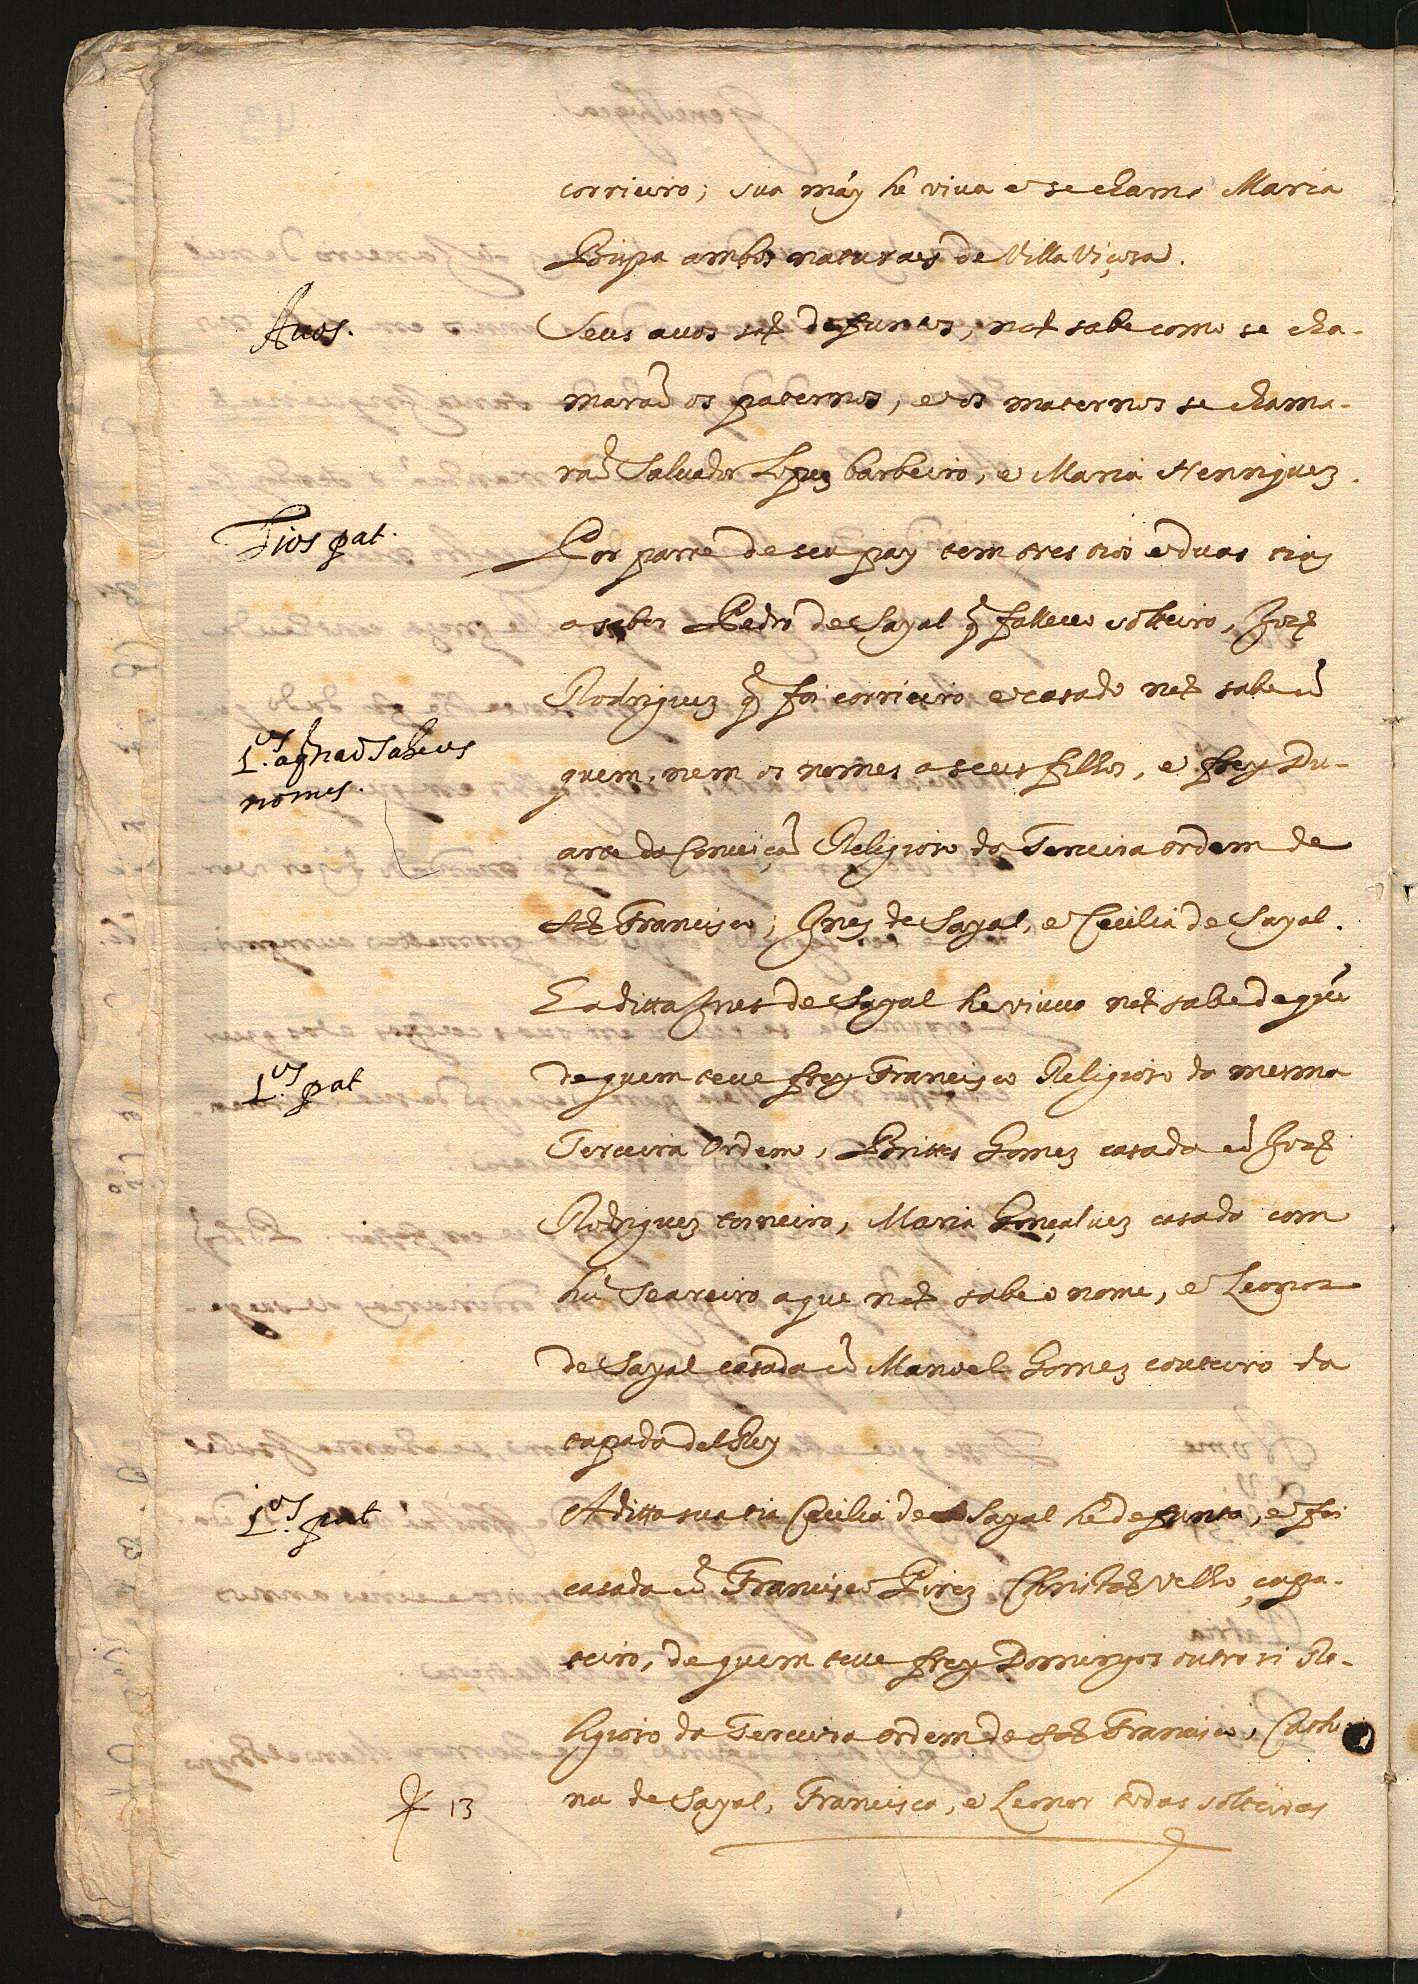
corrieiro; sua mãy he viua e se chama Maria
Bispa ambos naturaes de Villa Viçosa
Seus auos saõ defuntos, naõ sabe como se cha
maraõ os paternos, e os maternos se chama
raõ Saluador Lopez barbeiro, e Maria Henriquez
Por parte de seu pay tem tres tios e duas tias
a saber Pedro de Sayal q̄ falleceo solteiro, Joaõ
Rodriguez q̄ foi corrieiro e casado naõ sabe cō
quem, nem os nomes a seus filhos, e frey Du
arte da Conceiçaõ Religioso da Terceira ordem de
Saõ Francisco; Jnes de Sayal, e Cecilia de Sayal.
E a ditta Jnes de Sayal he viuua naõ sabe de quē
de quem teue frey Francisco Religioso da mesma
Terceira Ordem, Brittes Gomez casada cō Joaõ
Rodriguez torneiro, Maria Gonçaluez casada com
hū Seareiro a que naõ sabe o nome, e Leonor
de Sayal casada cō Manoel Gomez couteiro da
tapada del Rey
A ditta sua tia Cecilia de _Sayal he defunta, e foi
casada cō Francisco Pirez Christaõ velho çapa
teiro, de quem teue frey Domingos outrosi Re
ligioso da Terceira ordem de são Francisco, Cathe
na de Sayal, Francisca, e Leonor todas solteiras
